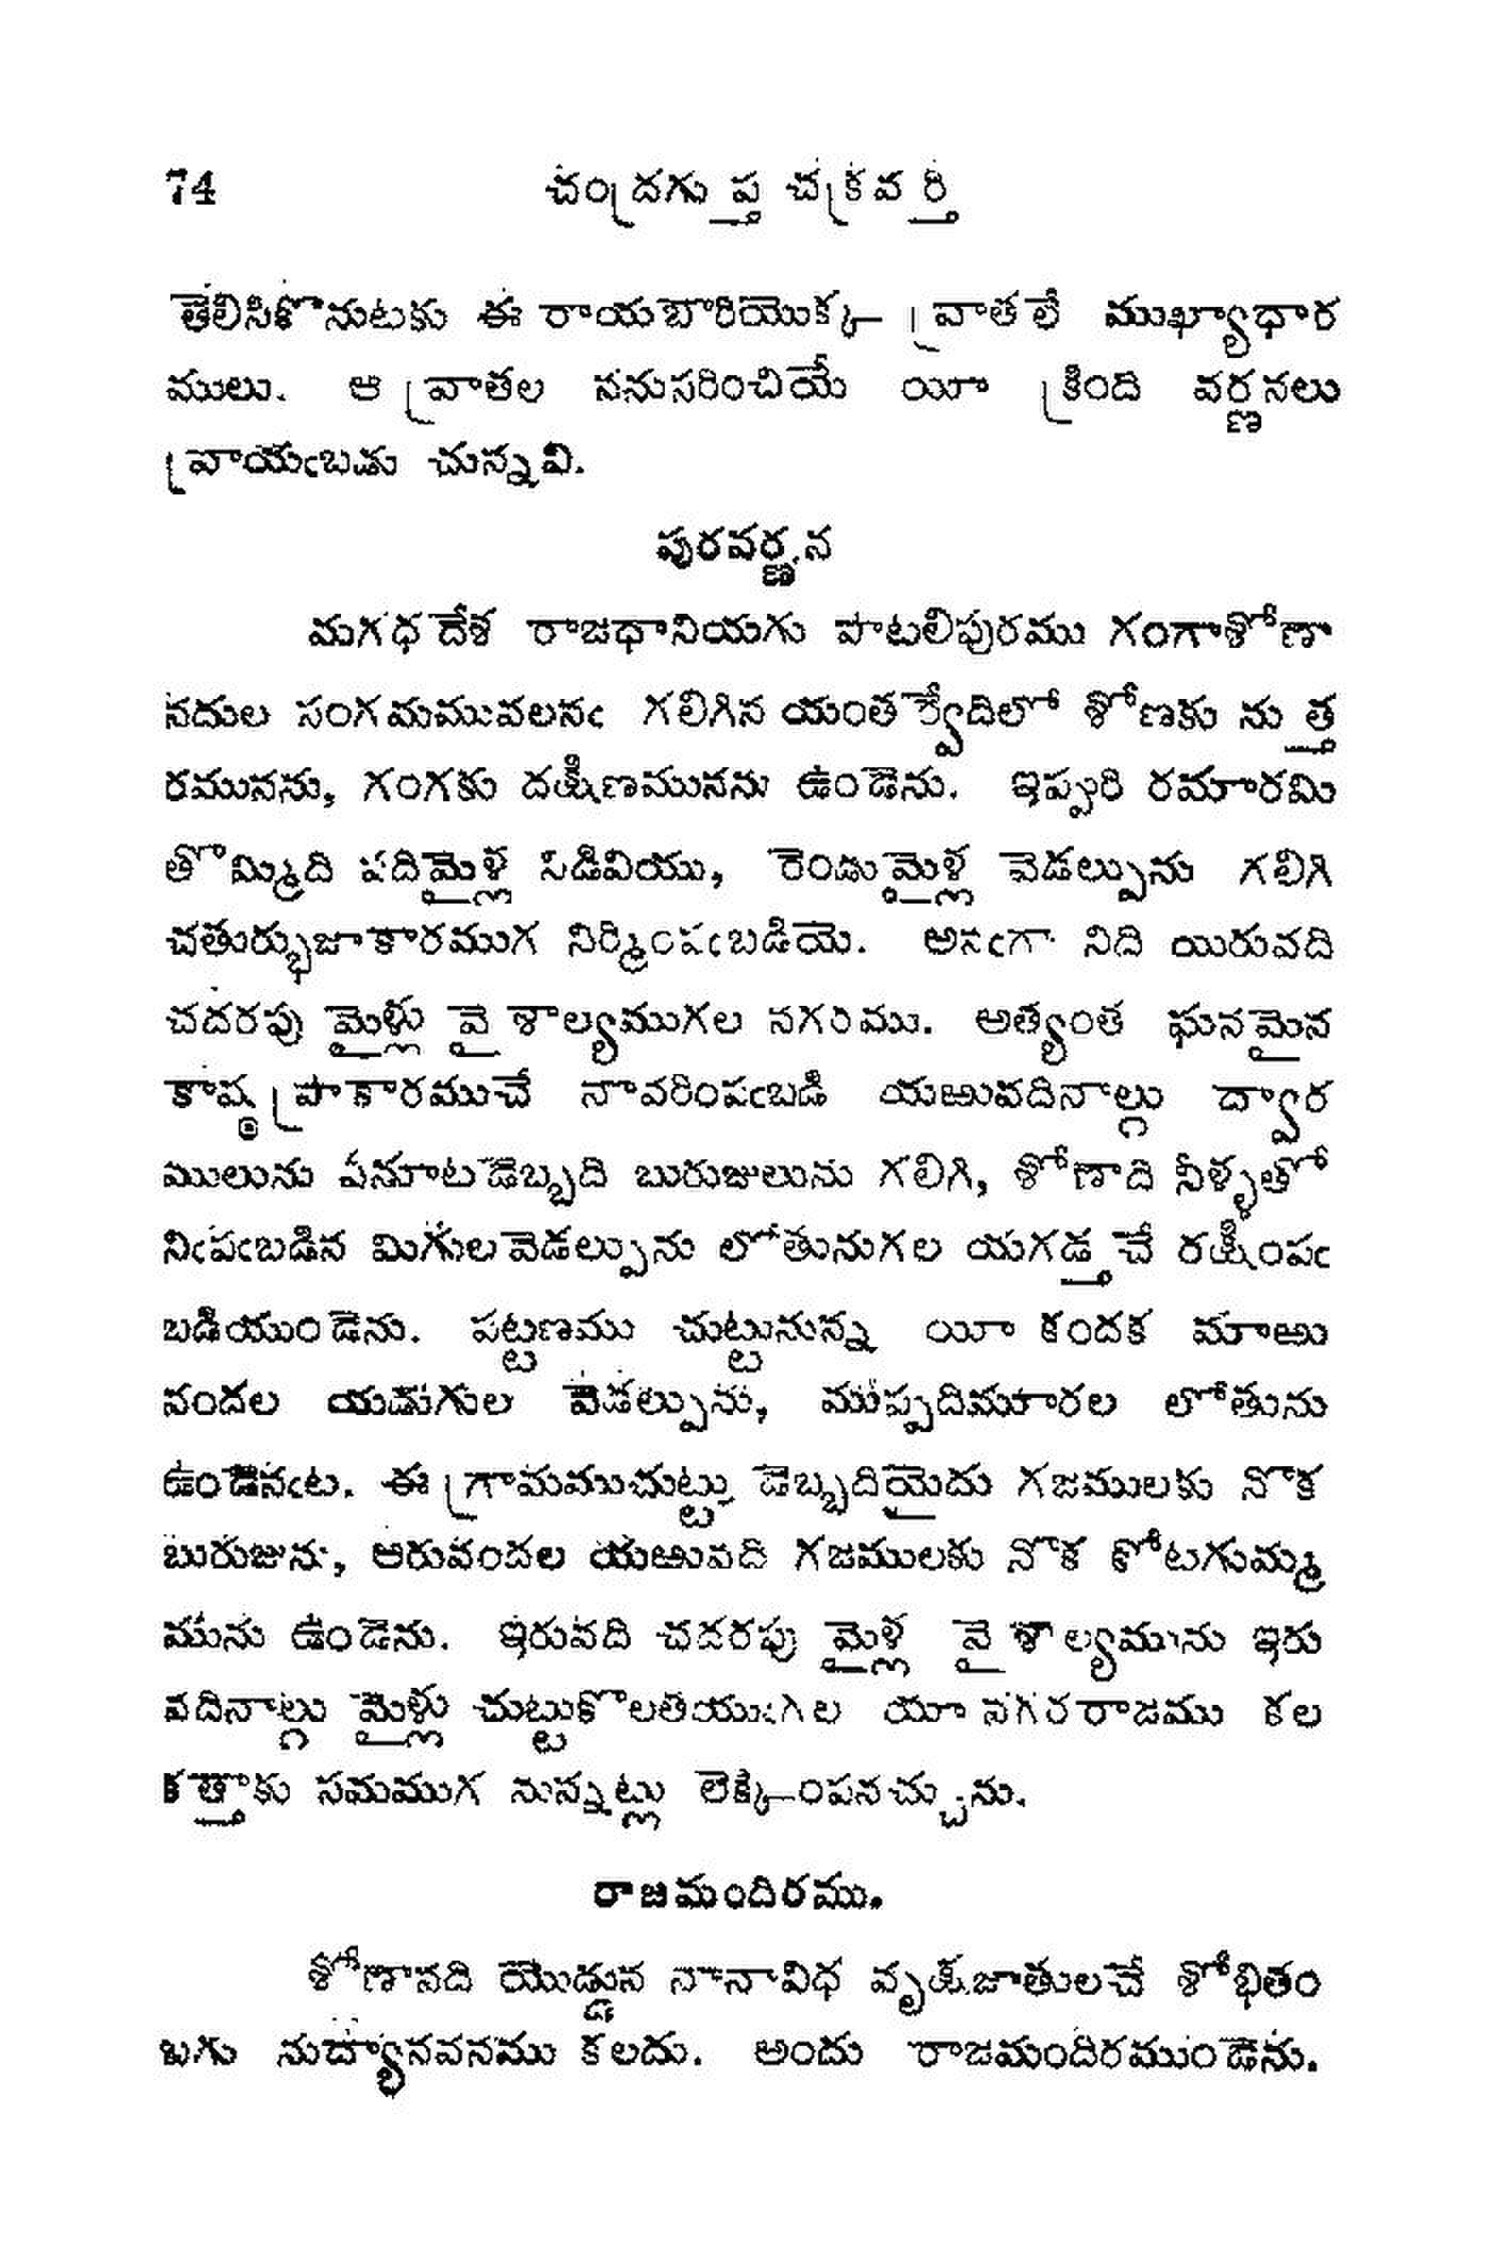తెలిసికొనుటకు ఈ రాయబారియొక్క వ్రాతలే ముఖ్యాధారములు. ఆ వ్రాతల ననుసరించియే యీ క్రింది వర్ణనలు వ్రాయఁబడు చున్నవి.

పురవర్ణన 

మగధదేశ రాజధానియగు పాటలిపురము గంగాశోణా నదుల సంగమమువలనఁ గలిగిన యంతర్వేదిలో శోణకు నుత్తరమునను, గంగకు దక్షిణమునను ఉండెను. ఇప్పురి రమారమి తొమ్మిది పదిమైళ్ల నిడివియు, రెండుమైళ్ల వెడల్పును గలిగి చతుర్భుజాకారముగ నిర్మింపఁబడియె. అనఁగా నిది యిరువది చదరపు మైళ్లు వైశాల్యముగల నగరము. అత్యంత ఘనమైన కాష్ఠ ప్రాకారముచే నావరింపఁబడి యఱువదినాల్గు ద్వారములును ఏనూటడెబ్బది బురుజులును గలిగి, శోణాది నీళ్ళతో నింపఁబడిన మిగుల వెడల్పును లోతునుగల యగడ్త చే రక్షింపఁ బడియుండెను. పట్టణము చుట్టునున్న యీ కందక మాఱు వందల యడుగుల వెడల్పును, ముప్పది మూరల లోతును ఉండెనఁట. ఈ గ్రామముచుట్టు డెబ్బదియైదు గజములకు నొక బురుజును, ఆరువందల యఱువది గజములకు నొక కోటగుమ్మమును ఉండెను. ఇరువది చదరపు మైళ్ల వైశాల్యమును ఇరువదినాల్గు మైళ్లు చుట్టుకొలతయుఁగల యా నగరరాజము కలకత్తాకు సమముగ నున్నట్లు లెక్కింపనచ్చును,

రాజమందిరము. 

శోణానది యొడ్డున నానావిధ వృక్షజాతులచే శోభితంబగు నుద్యానవనము కలదు. అందు రాజమందిరముండెను.
.